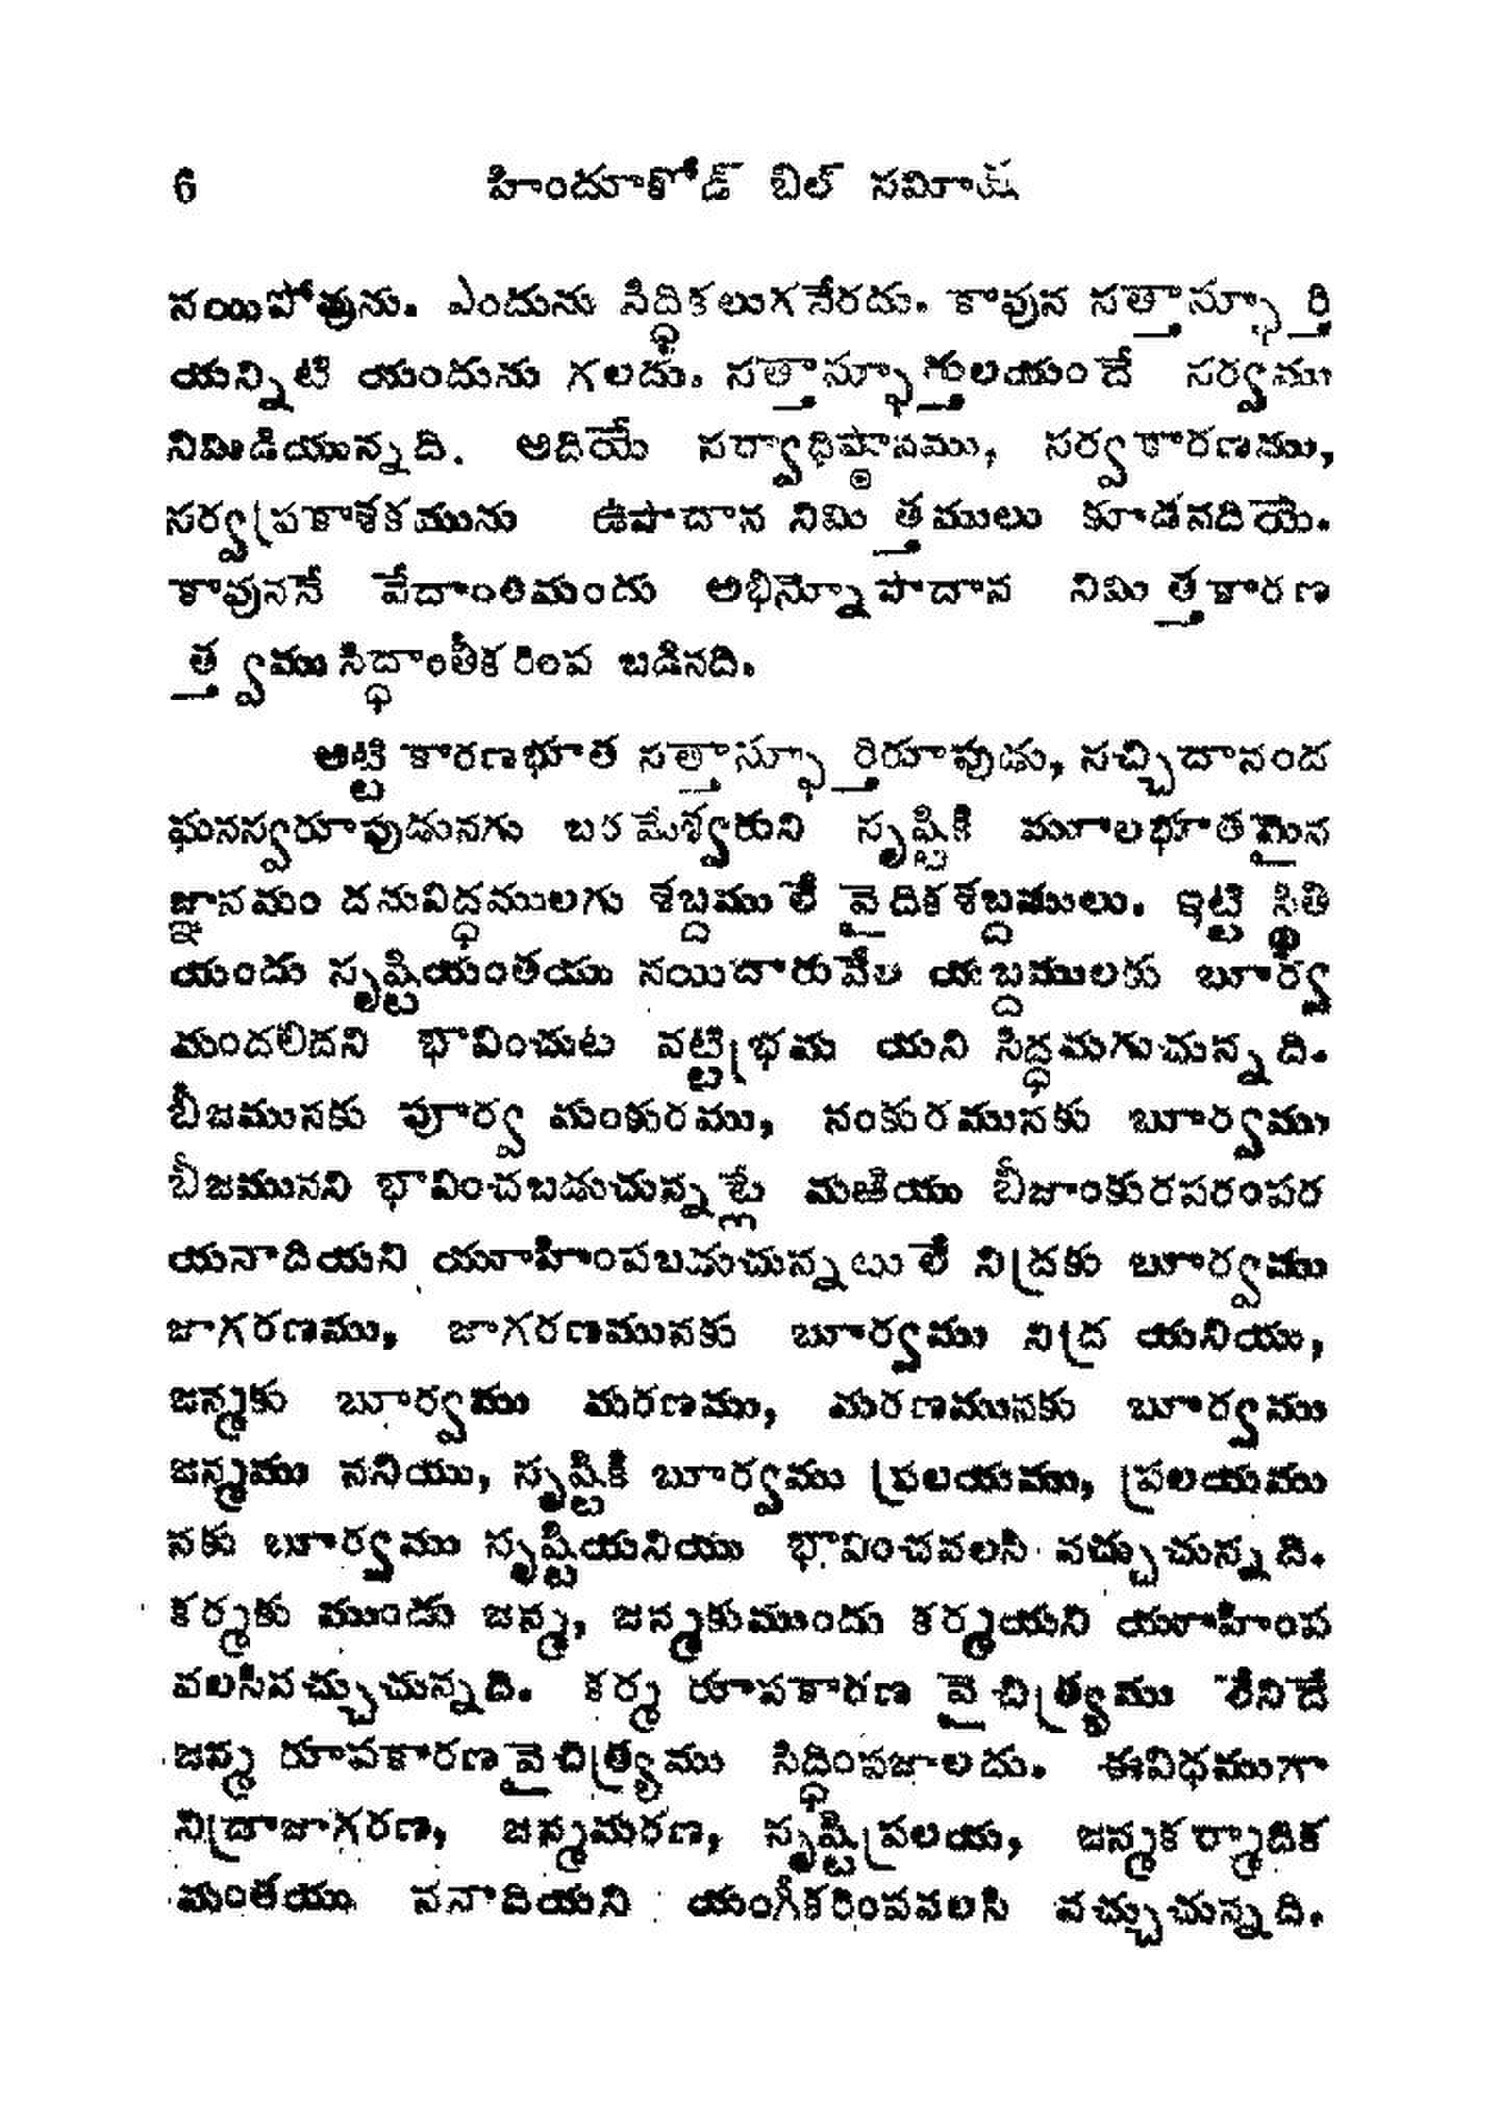నయిపోవును. ఎందును సిద్ధికలుగనేరదు. కావున సత్తాన్ఫూర్తి
యన్నిటి యందును గలదు. సత్తాస్ఫూర్తులయందే సర్వము
నిమిడియున్నది. అదియే సర్వాధిష్ఠానము, సర్వకారణము,
సర్వప్రకాశకమునుఉపాదాన నిమిత్తములు కూడనదియే. 
కావుననే వేదాంతమందు అభిన్నోపాదాన నిమిత్త కారణత్త్వము 
సిద్ధాంతీక రింపబడినది,
అట్టి కారణభూత సత్తాస్ఫూర్తిరూపుడు, సచ్చిదానంద
మనస్వరూపుడునగు బరమేశ్వరుని సృష్టికి మూలభూతమైన
జ్ఞానమందనువిద్ధములగు శబ్దములే వైదికశబ్దములు. ఇట్టి స్థితి 
యందు సృష్టియంతయు నయిదారు వేల యబ్దములకు బూర్వ
మందలిదని భావించుట వట్టిభ్రమ యని సిద్ధమగుచున్నది.
బీజమునకు పూర్వ మంకురము, నంకురమునకు బూర్వము
బీజమునని భావించబడుచున్నట్లే మఱియు బీజాంకురపరంపర
యనాదియని యూహింపబడుచున్నటులే నిద్రకు బూర్వము
జాగరణము, జాగరణమునకు బూర్వము నిద్ర యనియు,
జన్మకు బూర్వము మరణము, మరణమునకు బూర్వము
జన్మము ననియు, సృష్టికి బూర్వము ప్రలయము, ప్రలయము
నకు బూర్వము సృష్టియనియు భావించవలసి వచ్చుచున్నది.
కర్మకు ముందు జన్మ, జన్మకుముందు కర్మయని యూహింప
వలసివచ్చుచున్నది. కర్మ రూపకారణ వైచిత్య్రము లేనిదే
జన్మ రూపకారణవైచిత్య్రము సిద్ధింపజాలదు. ఈవిధముగా
నిద్రాజాగరణ, జన్మమరణ, సృష్టిప్రలయ, జన్మకర్మాధిక
మంతయు న నాదియని యంగీకరింపవలసి వచ్చుచున్నది.
.